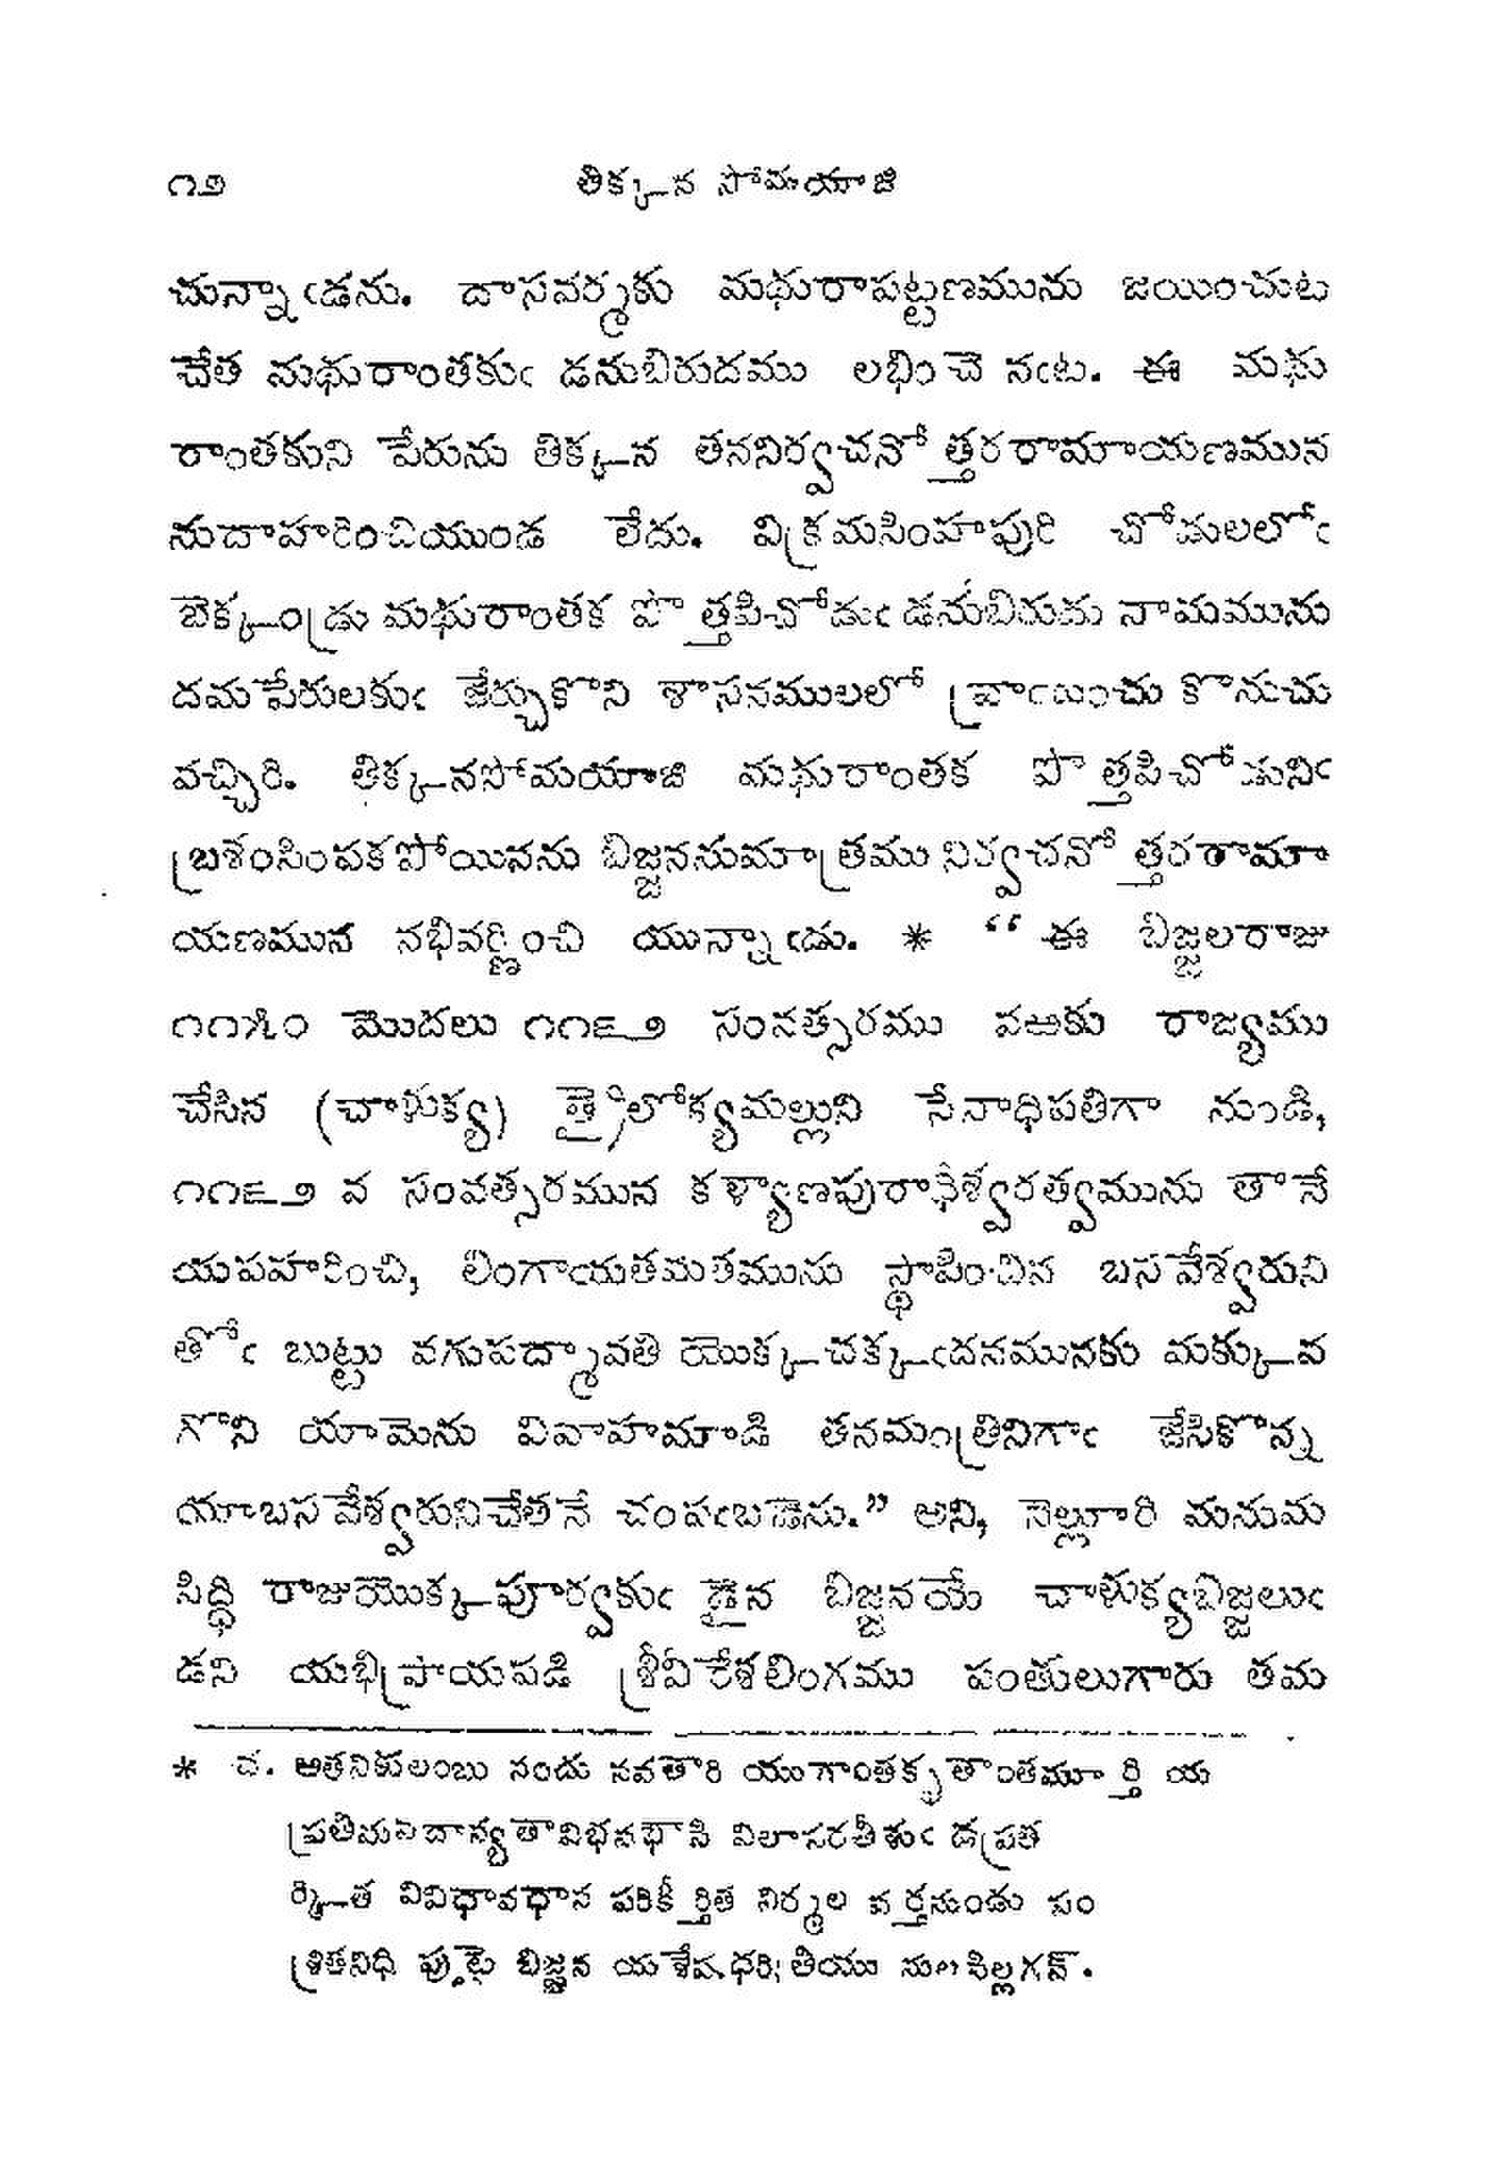చున్నాఁడను. దాసవర్మకు మధురాపట్టణమును జయించుటచేత మథురాంతకుఁ డనుబిరుదము లభించె నఁట. ఈ మథురాంతకుని పేరును తిక్కన తననిర్వచనోత్తర రామాయణమున నుదాహరించియుండ లేదు. విక్రమసింహపురి చోడులలోఁ బెక్కండ్రు మథురాంతక పొత్తపిచోడుఁ డనుబిరుదు నామమును దమపేరులకుఁ జేర్చుకొని శాసనములలో వ్రాయించు కొనుచు వచ్చిరి. తిక్కనసోమయాజి మధురాంతక పొత్తపిచోడునిఁ బ్రశంసింపకపోయినను బిజ్జననుమాత్రము నిర్వచనోత్తరరామాయణమున నభివర్ణించి యున్నాడు. "ఈ బిజ్జలరాజు 1150 మొదలు 1162 సంవత్సరము వఱకు రాజ్యము చేసిన (చాళుక్య) త్రైలోక్యమల్లుని సేనాధిపతిగా నుండి, 1162 వ సంవత్సరమున కళ్యాణపురాధీశ్వరత్వమును తానే యపహరించి, లింగాయతమతమును స్థాపించిన బసవేశ్వరుని తోఁ బుట్టు వగుపద్మావతి యొక్క చక్కఁదనమునకు మక్కువ గొని యామెను వివాహమాడి తనమంత్రినిగాఁ జేసికొన్న యూబసవేశ్వరునిచేతనే చంపఁబడెను.” అని, నెల్లూరి మనుమసిద్ధి రాజుయొక్క పూర్వకుఁ డైన బిజ్జనయే చాళుక్యబిజ్జలుఁ డని యభిప్రాయపడి శ్రీవీరేశలింగము పంతులుగారు తమ